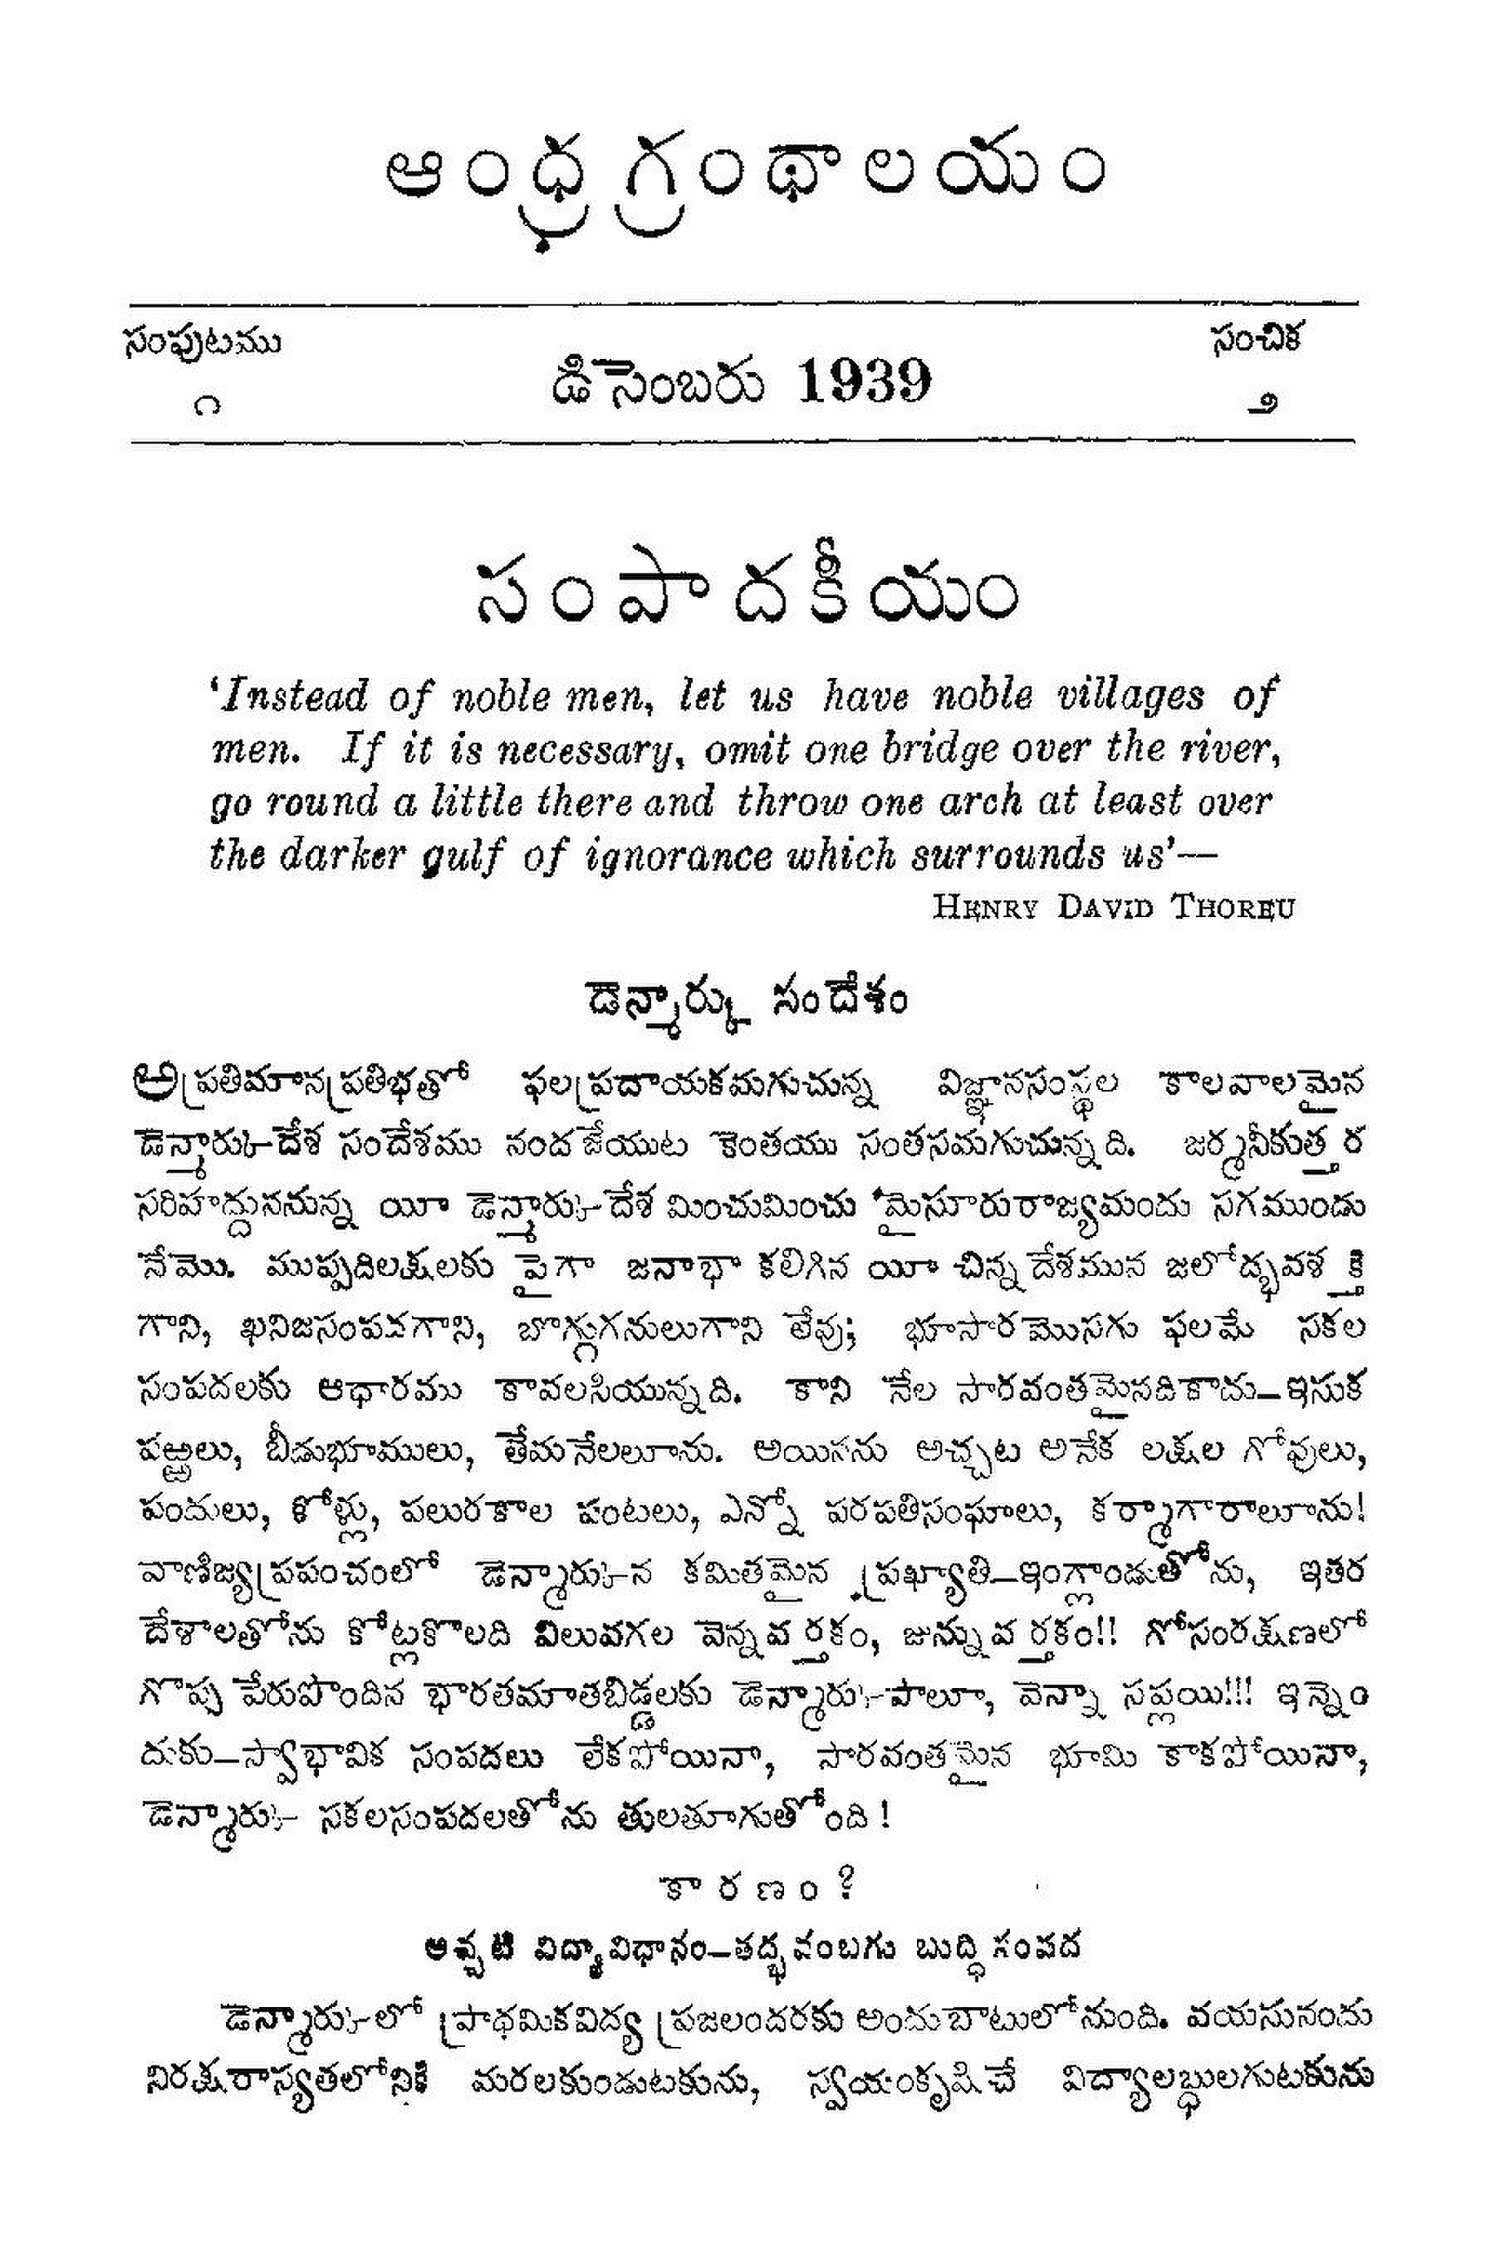అప్రతిమానప్రతిభతో ఫలప్రదాయకమగుచున్న విజ్ఞానసంస్థల కాలవాలమైన డెన్మార్కు దేశ సందేశము నందజేయుట కెంతయు సంతసమగుచున్నది. జర్మనీకుత్తర సరిహద్దుననున్న యీ డెన్మార్కు - దేశ మించుమించు 'మైసూరు రాజ్యమందు సగముండు నేమొ, ముప్పదిలక్షలకు పైగా జనాభా కలిగిన యీ చిన్న దేశమున జలోద్భవశక్తి గాని, ఖనిజసంపదగాని, బొగ్గుగనులుగాని లేవు; భూసారమొసగు ఫలమే సకల సంపదలకు ఆధారము కావలసియున్నది. కానీ నేల సారవంతమైనది కాదు - ఇసుక పఱ్ఱులు, బీడుభూములు, తేమ నేలలూను. అయినను అచ్చట అనేక లక్షల గోవులు, పందులు, కోళ్లు, పలురకాల పంటలు, ఎన్నో పరపతిసంఘాలు, కర్మాగారాలూను! వాణిజ్యప్రపంచంలో డెన్మార్కున కమితమైన ప్రఖ్యాతి - ఇంగ్లాండుతోను, ఇతర దేశాలతోను కోట్లకొలది విలువగల వెన్నవర్తకం, జున్నువర్తకం!! గోసంరక్షణలో గొప్ప పేరుపొందిన భారతమాత బిడ్డలకు డెన్మారు - పాలూ, వెన్నా సప్లయి!!! ఇన్నెందుకు - స్వాభావిక సంపదలు లేకపోయినా, సారవంతమైన భూమి కాకపోయినా, డెన్మార్కు- సకలసంపదలతోను తులతూగుతోంది!

డెన్మార్కు లో ప్రాథమిక విద్య ప్రజలందరకు అందుబాటులోనుంది. వయసునందు
నిరక్షరాస్యతలోనికి మరలకుండుటకును, స్వయంకృషిచే విద్యాలబ్ధులగుటకును